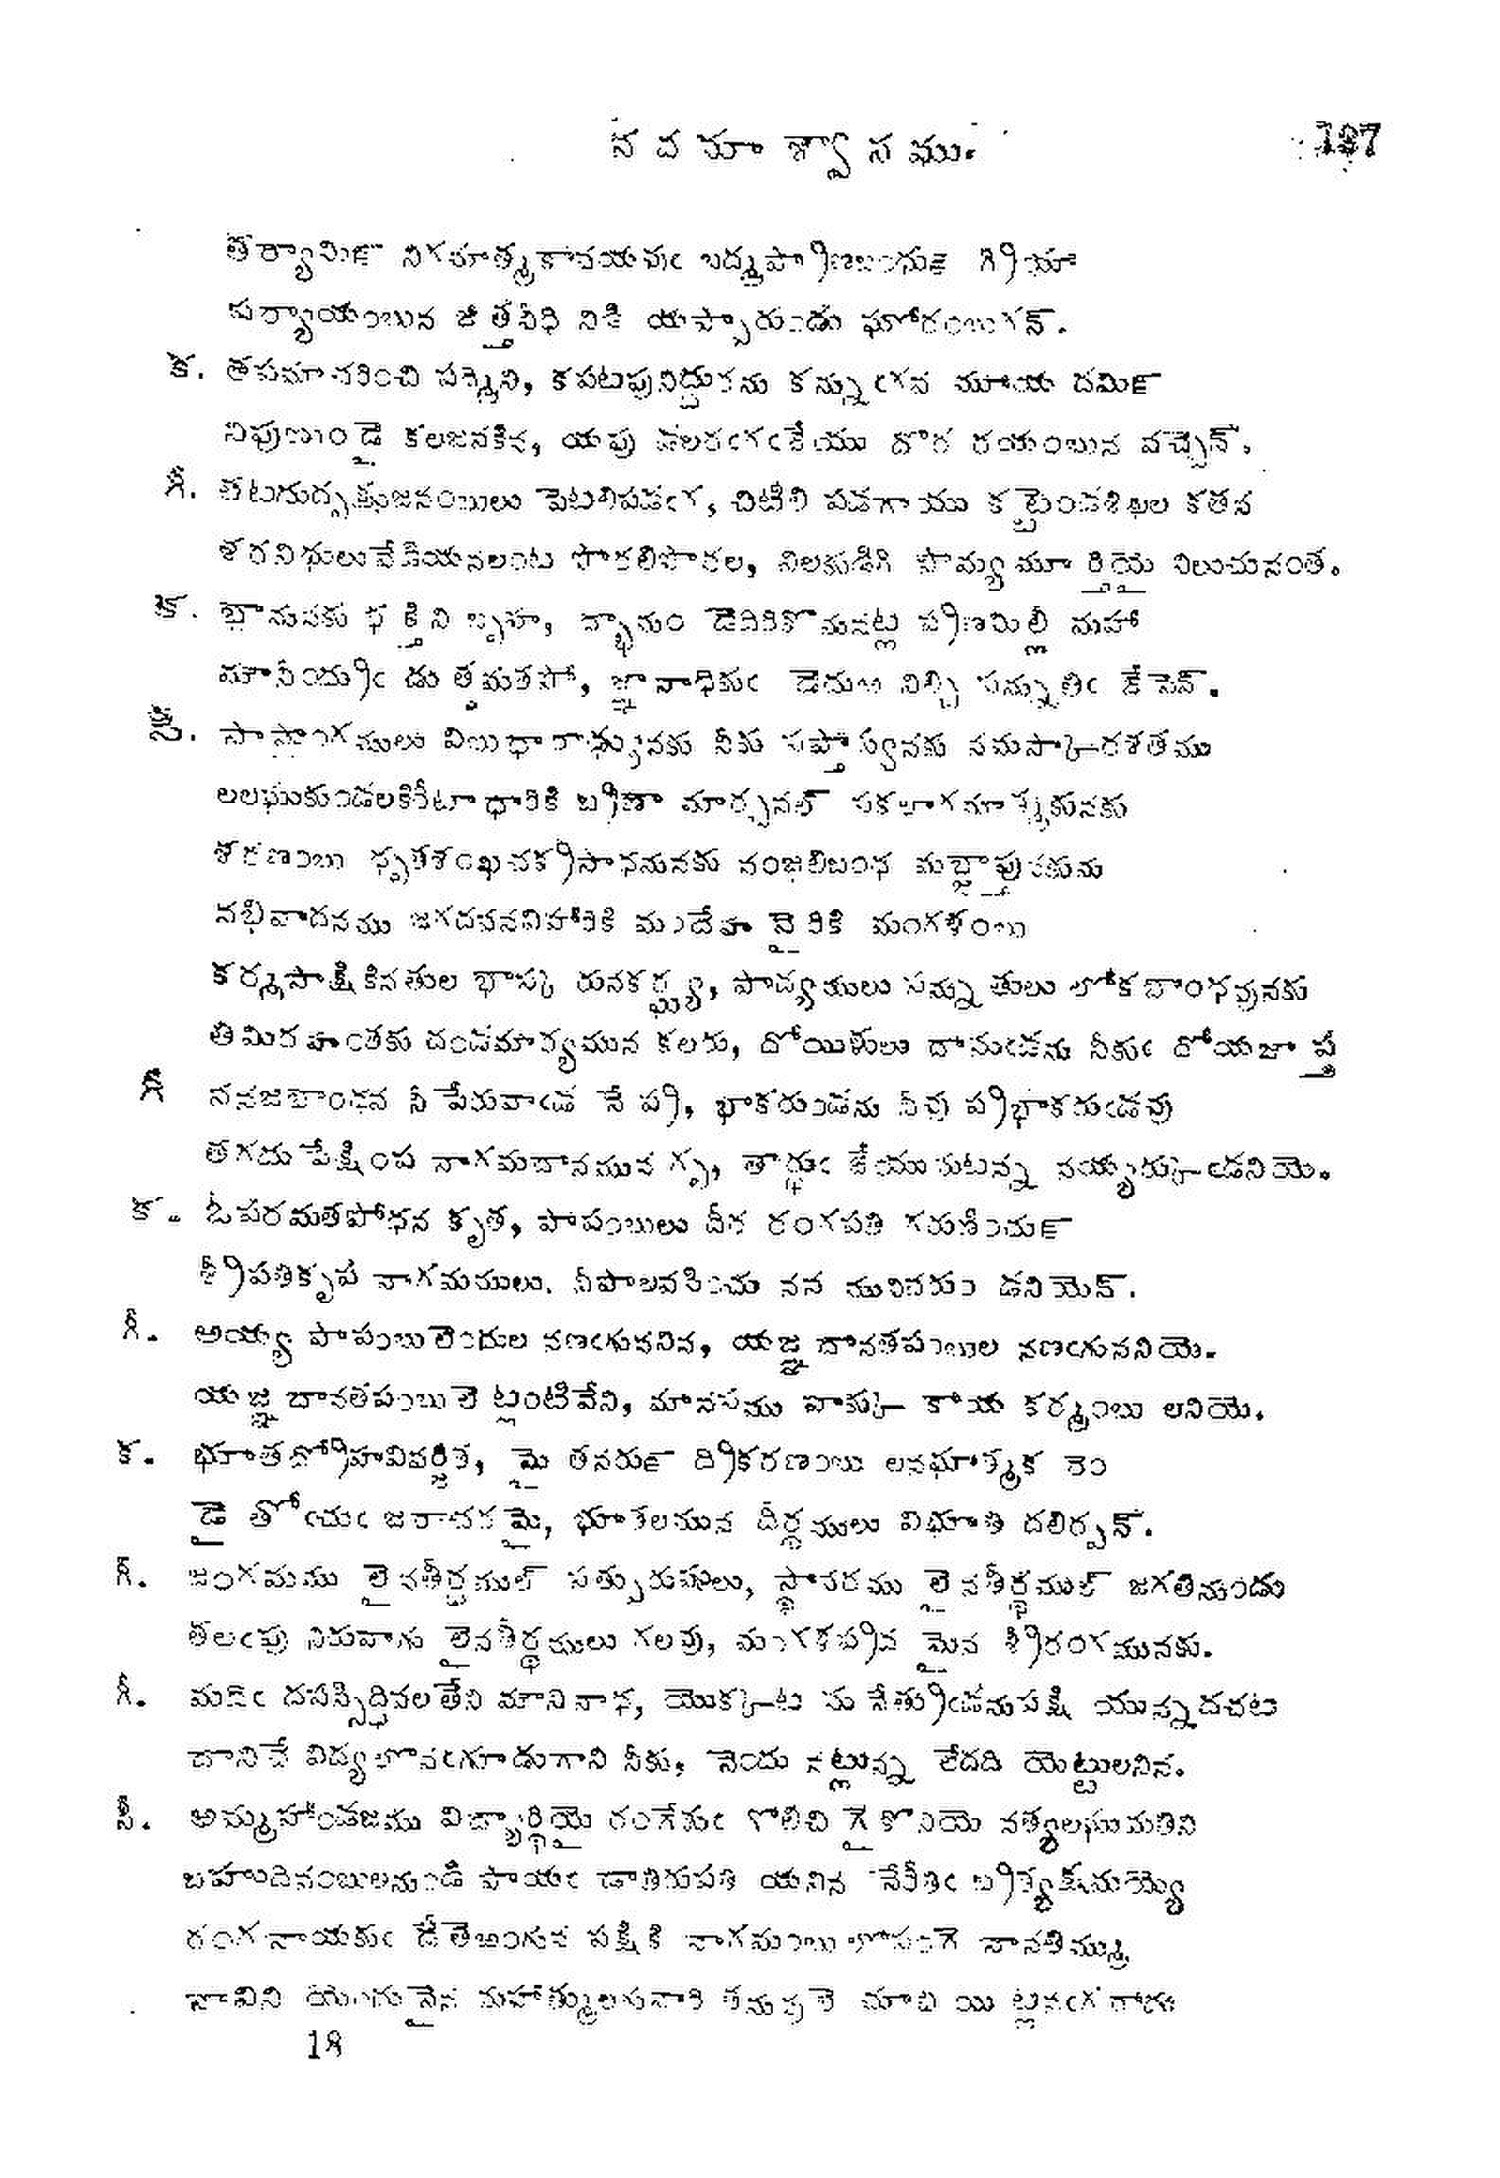తర్యామిన్ నిగమాత్మకావయవుఁ బద్మప్రాణబంధున్ గ్రియా
 పర్యాయంబున జిత్తవీథి నిడి యప్పారుండు ఘోరంబుగన్.
క. తపమాచరించి పద్మిని, కపటపునిద్దురను కన్నుఁగవ మూయ దమిన్
 నిపుణుండై కలజనకిన, యపు డలరఁగఁజేయు దొర రయంబున వచ్చెన్.
గీ. తటదుద్వక్షుజనంబులు పెటలిపడఁగ, చిటిలిపడగాయు కట్టెండశిఖల కతన
 శరనిధులు వేడియనలంట పొరలిపొరలి, నిలకు డిగి సౌమ్యమూర్తియై నిలుచునంత.
క. భానునకు భక్తిని బృహ, ద్భానుం డెదిరికొనునట్ల ప్రణమిల్లి మహా
 మౌనీంద్రుఁ డుత్తమతపో, జ్ఞానాధికుఁ డెదుఱ నిల్చి సన్నుతిఁ జేసెన్.
సీ. సాష్టాంగములు విబుధారాఢ్యునకు నీకు సప్తాశ్వునకు నమస్కారశతము
 లలఘుకుండలకిరీటాధారికి బ్రణామార్చనల్ సకలాగమాత్మునకు
 శరణంబు ధృతశంఖచక్రసాధనునకు నంజలిబంధ మబ్జాప్తునకును
 నభివాదనము జగదవనవిహారికి మందేహవైరికి మంగళంబు
 కర్మసాక్షికి నతులభాస్కరున కర్ఘ్య, పాద్యములు సన్నుతులు లోకబాంధవునకు
 తిమిర తకు దండ మార్యమున కలరు, దోయిళులు దాసుఁడను నీకుఁ దోయజాప్త.
గీ. ననజబాంధవ నీపేరువాఁడ నే ప్ర, భాకరుండను నీవు ప్రభాకరుఁడవు
 తగ దుపేక్షింప నాగమదానమున గృ, తార్థుఁ జేయుమటన్న నయ్యర్కుఁ డనియె.
క. ఓపరమతపోధన కృత, పాపంబులు దీర రంగపతి గరుణించున్
 శ్రీపతికృప నాగమములు, నీపాల వసించు నన మునివరుం డనియెన్.
గీ. అయ్య పాపంబు లెందుల నణఁగుననివ, యజ్ఞదానతపంబుల నణఁగుననియె
 యజ్ఞదానతపంబు లె ట్లంటివేని, మానసము వాక్కు కాయ కర్మంబు లనియె.
క. భూతద్రోహవిపర్జిత, మై తనరున్ ద్రికరణంబు లనఘాత్మక రెం
 డై తోఁచుఁ జరాచరమై, భూతలమున దీర్థములు విభూతి దలిర్పన్.
గీ. జంగమము లైనతీర్థముల్ సత్పురుషులు, స్థావరము లైనతీర్థముల్ జగతి నుండు
 తలఁపు నిరువాగు లైనతీర్థములు గలవు, మంగళప్రద మైన శ్రీరంగమునకు.
గీ. మదిఁ దపస్సిద్ధివలతేని మౌనినాథ, యొక్కట సునేత్రుఁడనుపక్షి యున్నదచట
 దానిచే విద్య లొనఁగూడుగాని నీకు, నెందు నట్లున్న లేదది యెట్టులనిన.
సీ. అమ్మహాండజము విద్యార్థియై రంగేశు గొలిచి గైకొనియె నత్యలఘుమతిని
 బహుదినంబులనుండి పాయఁ డాతిరుపతి యనిన నేరీతిఁ బ్రత్యక్షమయ్యె
 రంగనాయకుఁ డేతెఱంగున పక్షికి నాగమంబు లొసంగె నానతిమ్ము
 నావిని యెందునైన మహాత్ములగువారి తనువులె చూచి యి ట్లనఁగరాదు.